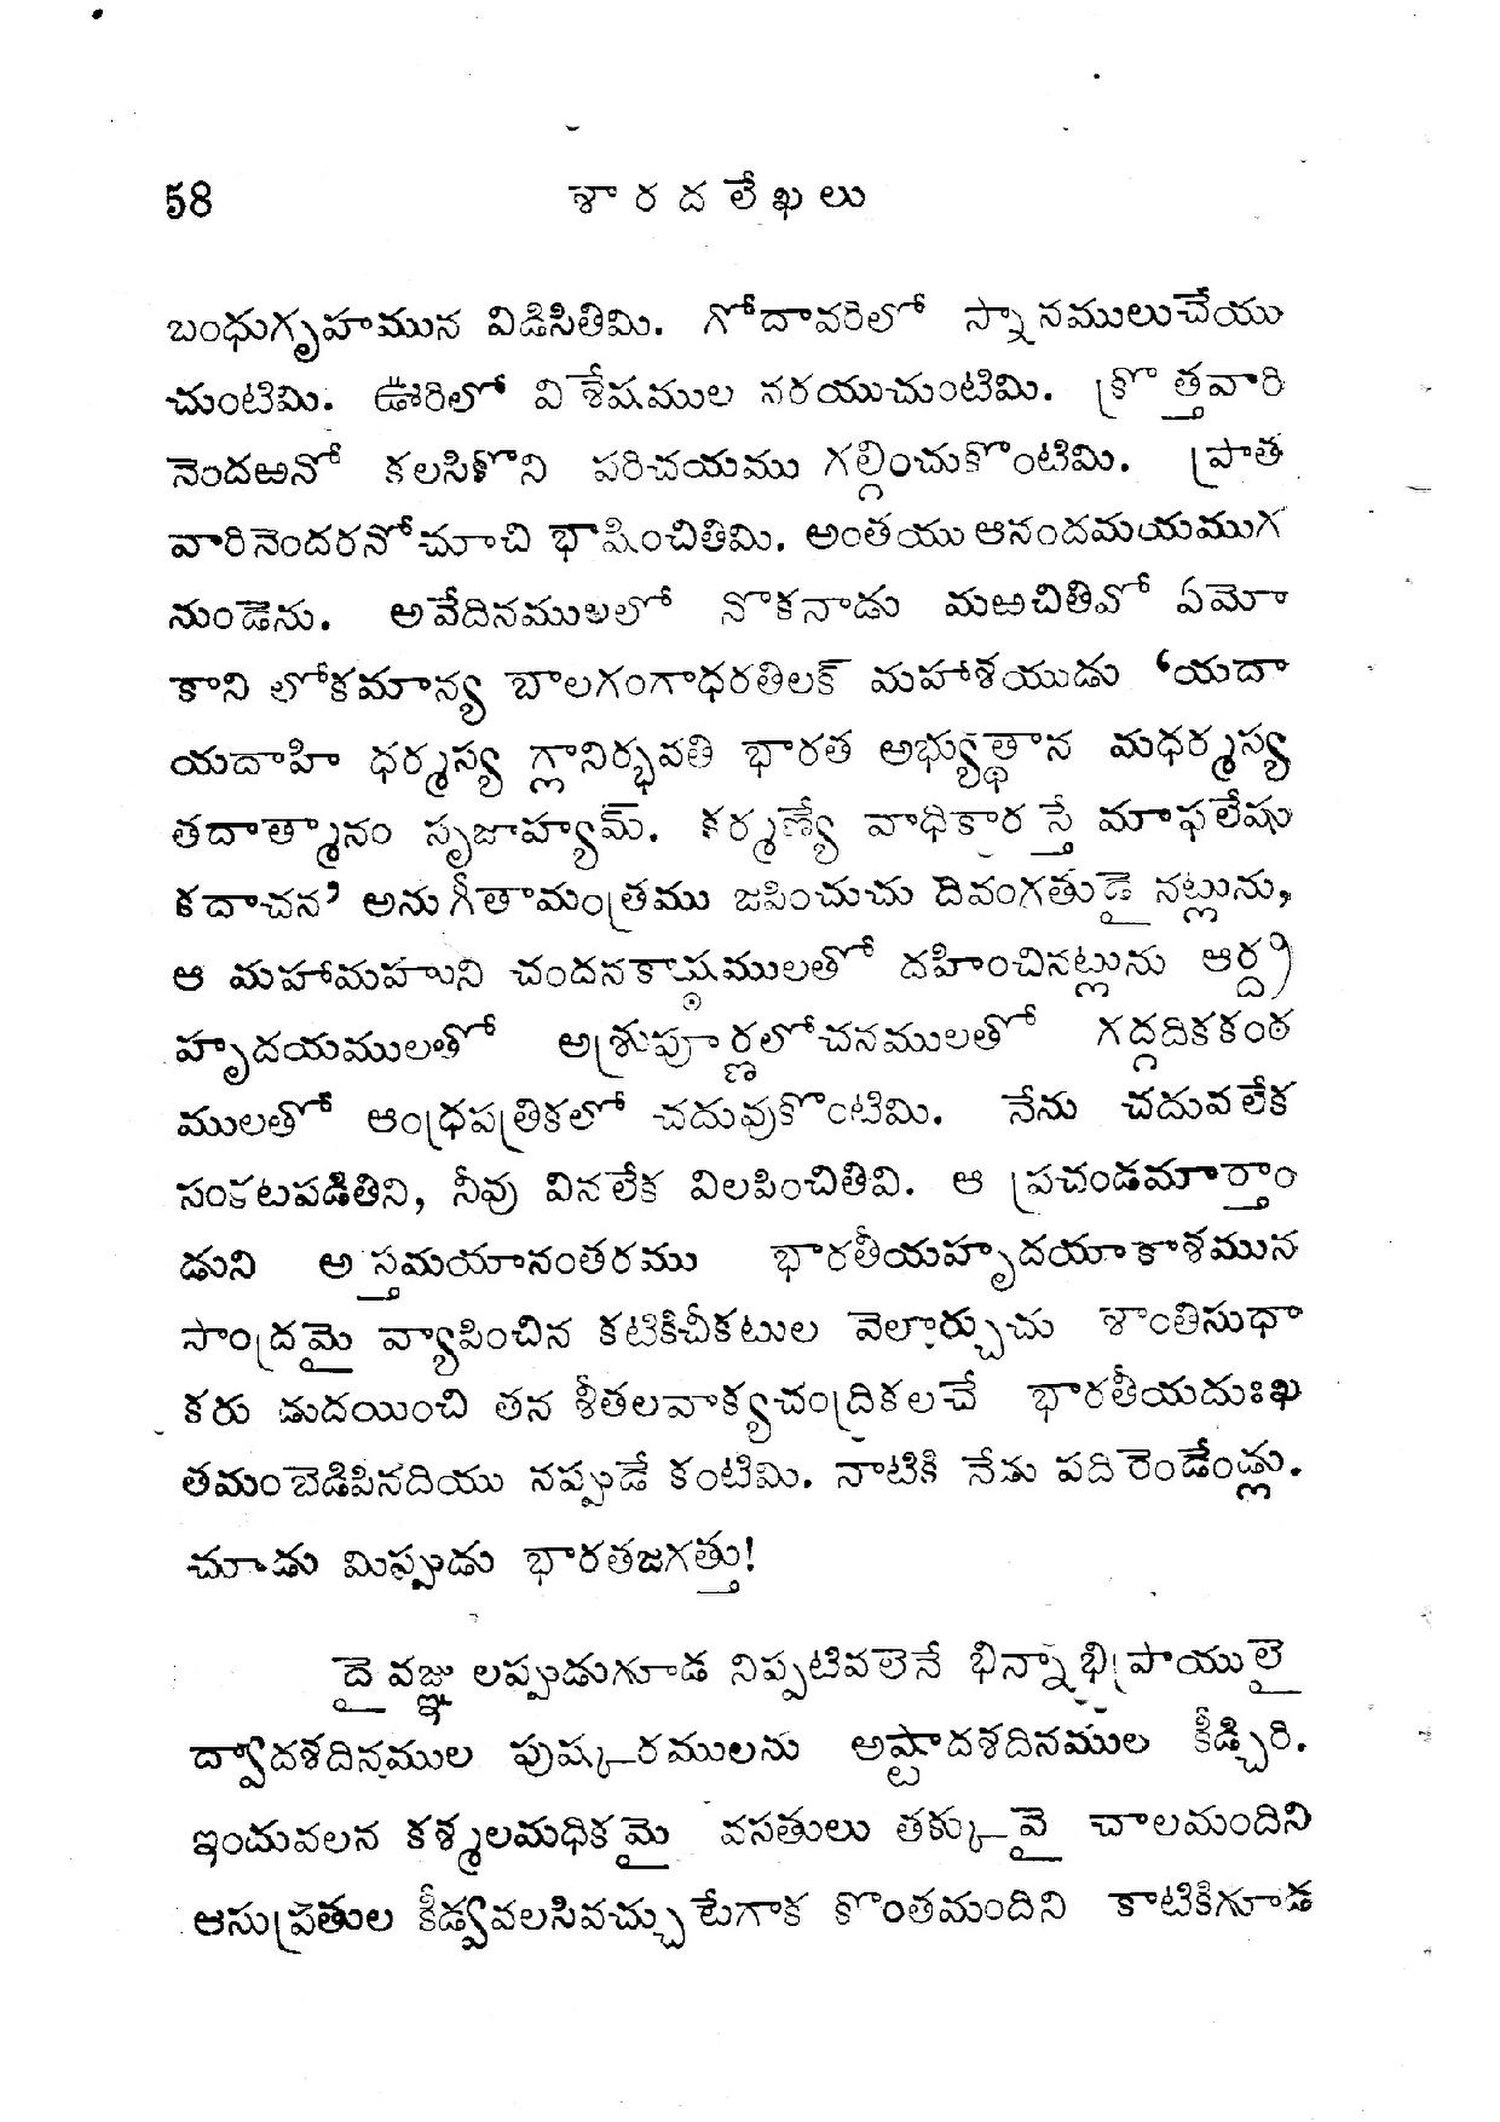బంధుగృహమున విడిసితిమి. గోదావరిలో స్నానములు చేయు
చుంటిమి. ఊరిలో విశేషముల నరయుచుంటిమి. క్రొత్తవారి
నెందఱనో కలసికొని పరిచయము గల్గించుకొంటిమి. ప్రాత
వారినెందరనో చూచి భాషించితిమి. అంతయు ఆనందమయముగ
నుండెను. అవేదినములలో నొకనాడు మఱచితివో ఏమో
కాని లోకమాన్య బాలగంగాధరతిలక్ మహాశయుడు 'యదా
యదాహి ధర్మస్య గ్లానిర్భవతి భారత అభ్యుత్థాన మధర్మస్య
తదాత్మానం సృజాహ్యమ్. కర్మణ్యే వాధికారస్తే మాఫలేషు
కదాచన' అను గీతామంత్రము జపించుచు దివంగతుడై నట్లును,
ఆ మహామహుని చందనకాష్ఠములతో దహించినట్లును ఆర్ద్ర
హృదయములతో అశ్రుపూర్ణలోచనములతో గద్గదికకంఠ
ములతో ఆంధ్రపత్రికలో చదువుకొంటిమి. నేను చదువలేక
సంకటపడితిని, నీవు వినలేక విలపించితివి. ఆ ప్రచండమార్తాం
డుని అస్తమయానంతరము భారతీయహృదయాకాశమున
సాంద్రమై వ్యాపించిన కటికిచీకటుల వెలార్చుచు శాంతిసుధా
కరు డుదయించి తన శీతల వాక్య చంద్రికలచే భారతీయదుఃఖ
తమం బెడిపినదియు నప్పుడే కంటిమి. నాటికి నేడు పదిరెండేండ్లు.
చూడు మిప్పుడు భారతజగత్తు!

దైవజ్ఞు లప్పుడుగూడ నిప్పటివలెనే భిన్నాభిప్రాయులై
ద్వాదశదినముల పుష్కరములను అష్టాదశదినములు కీడ్చిరి.
ఇందువలన కశ్మలమధికమై వసతులు తక్కువై చాలమందిని
ఆసుప్రతుల కీడ్వవలసివచ్చుటేగాక కొంతమందిని కాటికిగూడ